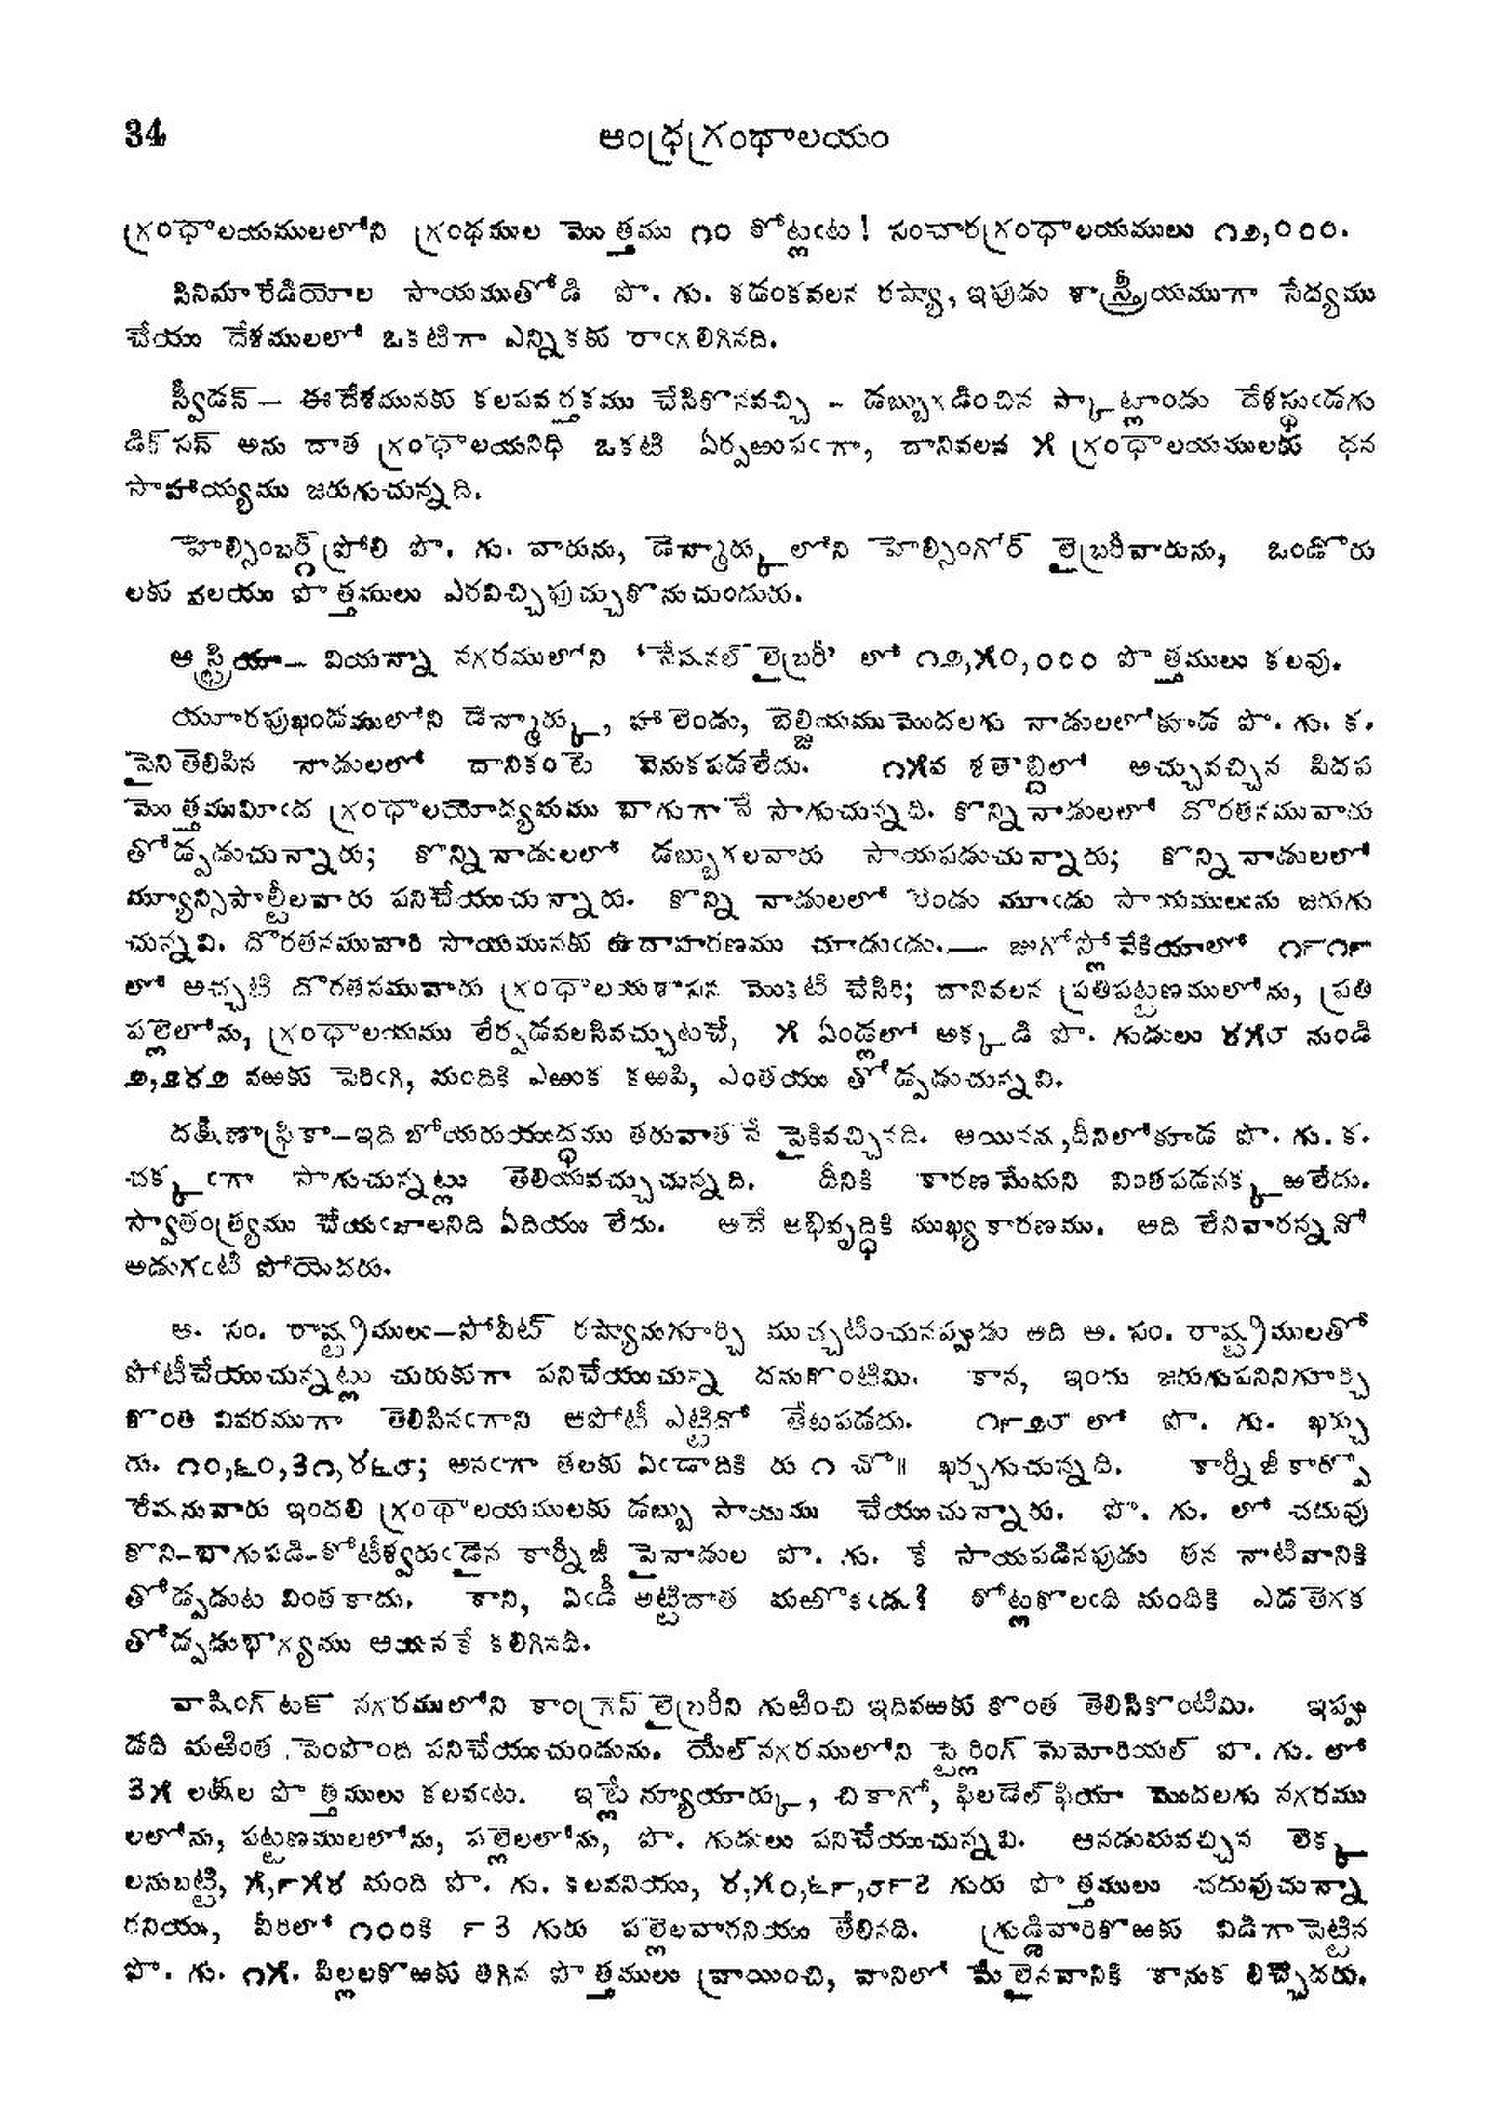గ్రంధాలయములలోని గ్రంథముల మొత్తము ౧౦ కోట్లఁట! సంచార గ్రంధాలయములు ౧౨,000.

సినిమా రేడియోల సాయముతోడి పొ.గు. కడంకవలన రష్యా, ఇపుడు శాస్త్రీయముగా సేద్యము చేయు దేశములలో ఒకటిగా 
ఎన్నికకు రాఁగలిగినది.

స్వీడన్ – ఈ దేశమునకు కలపవర్తకము చేసికొనవచ్చి - డబ్బుగడించిన డబ్బుండించిన స్కాట్లాండు దేశస్ధుఁడగు
డిక్సన్ అను దాత గ్రంథాలయనిధి ఒకటి ఏర్పఱుపఁగా, దానివలన ౫ గ్రంథాలయములకు ధన సాహాయ్యము జరుగుచున్నది.

హెల్సింబర్గ్ ప్రోలి పొ.గు. వారును, డెన్మార్కు లోని హెల్సింగోర్ లైబ్రరీవారును, ఒండొరులకు వలయం పొత్తములు ఎరవిచ్చిపుచ్చుకొనుచుందురు.

ఆస్ట్రియా - వియన్నా నగరములోని 'నేషనల్ లైబ్రరీ' లో ౧౨,౫౦,౦౦౦ పొత్తములు కలవు.

యూరపుఖండములోని డెన్మార్కు, హాలెండు, బెల్జియము మొదలగు నాడులలో కూడ పొ.గు.క. పైని తెలిపిన నాడులలో 
దానికంటే వెనుక పడలేదు. ౧౫ వ శతాబ్దిలో అచ్చువచ్చిన పిదప మొత్తముమీఁద గ్రంధాలయోద్యమము బాగుగానే 
సాగుచున్నది. కొన్ని నాడులలో దొరతనము వారు తోడ్పడుచున్నారు; కొన్ని నాడులలో డబ్బుగలవారు సాయపడుచున్నారు; 
కొన్ని నాడులలో మ్యూన్సిపాల్టీలవారు పనిచేయుచున్నారు. కొన్ని నాడులలో రెండు మూఁడు సాయములను జరుగు చున్నవి. దొరతనమువారి సాయమునకు ఉదాహరణము చూడుఁడు - జుగోస్లో వేకియాలో ౧౯౧౯ లో అచ్చటి దొరతనమువారు గ్రంధాలయ
శాసన మొకటి చేసిరి; దానివలన ప్రతిపట్టణములోను, ప్రతి పల్లెలోను, గ్రంధాలయము లేర్పడవలసివచ్చుటచే, ౫ ఏండ్లలో 
అక్కడి పొ.గుడులు ౪౫౮ నుండి ౨,౨౪౨ వఱకు పెరిఁగి, మందికి ఎఱుక కఱపి, ఎంతయు తోడ్పడుచున్నవి.

దక్షిణాఫ్రికా — ఇది బోయరుయుద్ధము తరువాతనే పైకివచ్చినది. అయినను, దీనిలోకూడ పొ.గు.క. చక్కగా సాగుచున్నట్లు తెలియవచ్చుచున్నది. దీనికి కారణమేమని వింతపడనక్కరలేదు. స్వాతంత్య్రము చేయఁజాలనిది ఏదియు లేదు. అదే 
అభివృద్ధికి ముఖ్యకారణము. అది లేని వారన్ననో అడుగఁటీ పోయెదరు.

ఆ.సం.రాష్ట్రములు – సోవీట్ రష్యాను గూర్చి ముచ్చటించునప్పుడు అది అ.సం.రాష్ట్రములతో పోటీచేయుచున్నట్లు చురుకుగా పనిచేయంచున్న దనుకొంటిమి. కాన, ఇందు జరుగుపనిని గూర్చి కొంత వివరముగా తెలిసినఁగాని ఆపోటీ ఎట్టిదో తేటపడదు.
౧౯౨౮ లో పొ.గు.ఖర్చు రు.౧౦,౬౦,౩౧,౪౬౮; అనఁగా తలకు ఏడాదికి రు. ౧చో॥ ఖర్చగుచున్నది. కార్నీజీ కార్పొరేషన్ 
వారు ఇందలి గ్రంథాలయములకు డబ్బు సాయము చేయుచున్నారు. పొ.గు. లో చదువుకొని - బాగుపడి - కోటీశ్వరుఁడైన 
కార్నిజీ పైనాదులు పొ. గు. కే సాయపడినపుడు తన నాటివానికి తోడ్పడుట వింత కాదు. కాని, ఏఁడి అట్టిదాత మఱోకఁడు? 
కోట్లకొలఁది మ౦దికి ఎడతెగక తోడ్పడుభాగ్యము ఆయనకే కలిగినది.

వాషింగ్ ట౯ సగరములోని కాంగ్రెస్ లైబ్రరీని గుణించి ఇదివఱకు కొంత తెలిసికొంటిమి. ఇప్పుడది మఱింత పెంపొంది 
పనిచేయుచుండును. యేల్ నగరములోని స్టెర్లింగ్ మెమోరియల్ పొ. గు. లో ౩౫ లక్షల పొత్తములు కలవఁట. ఇట్లే 
న్యూయార్కు, చికాగో, ఫిలడెల్ఫియా మొదలగు నగరములలోను, పట్టణములలోను, పల్లెలలోను, పొ. గుడులు 
పనిచేయుచున్నవి. ఆనడుమ వచ్చిన లెక్కలనుబట్టి, ౫,౯౫౪, మంది పొ.గు. కలవనియు, ౪,౫౦,౬౯,౮౯౭, గురు 
పొత్తములు చదువుచున్నారనియు, వీరిలో ౧౦౦కి ౯౩ గురు పల్లెలవారనియు తేలినది. గ్రుడ్డివారికొఱకు విడిగా పెట్టిన
పొ.గు.౧౫. పిల్లలకొఱకు తగిన పొత్తములు వ్రాయించి, వానిలో మేలైనవానికి కానుక లిచ్చేదరు.